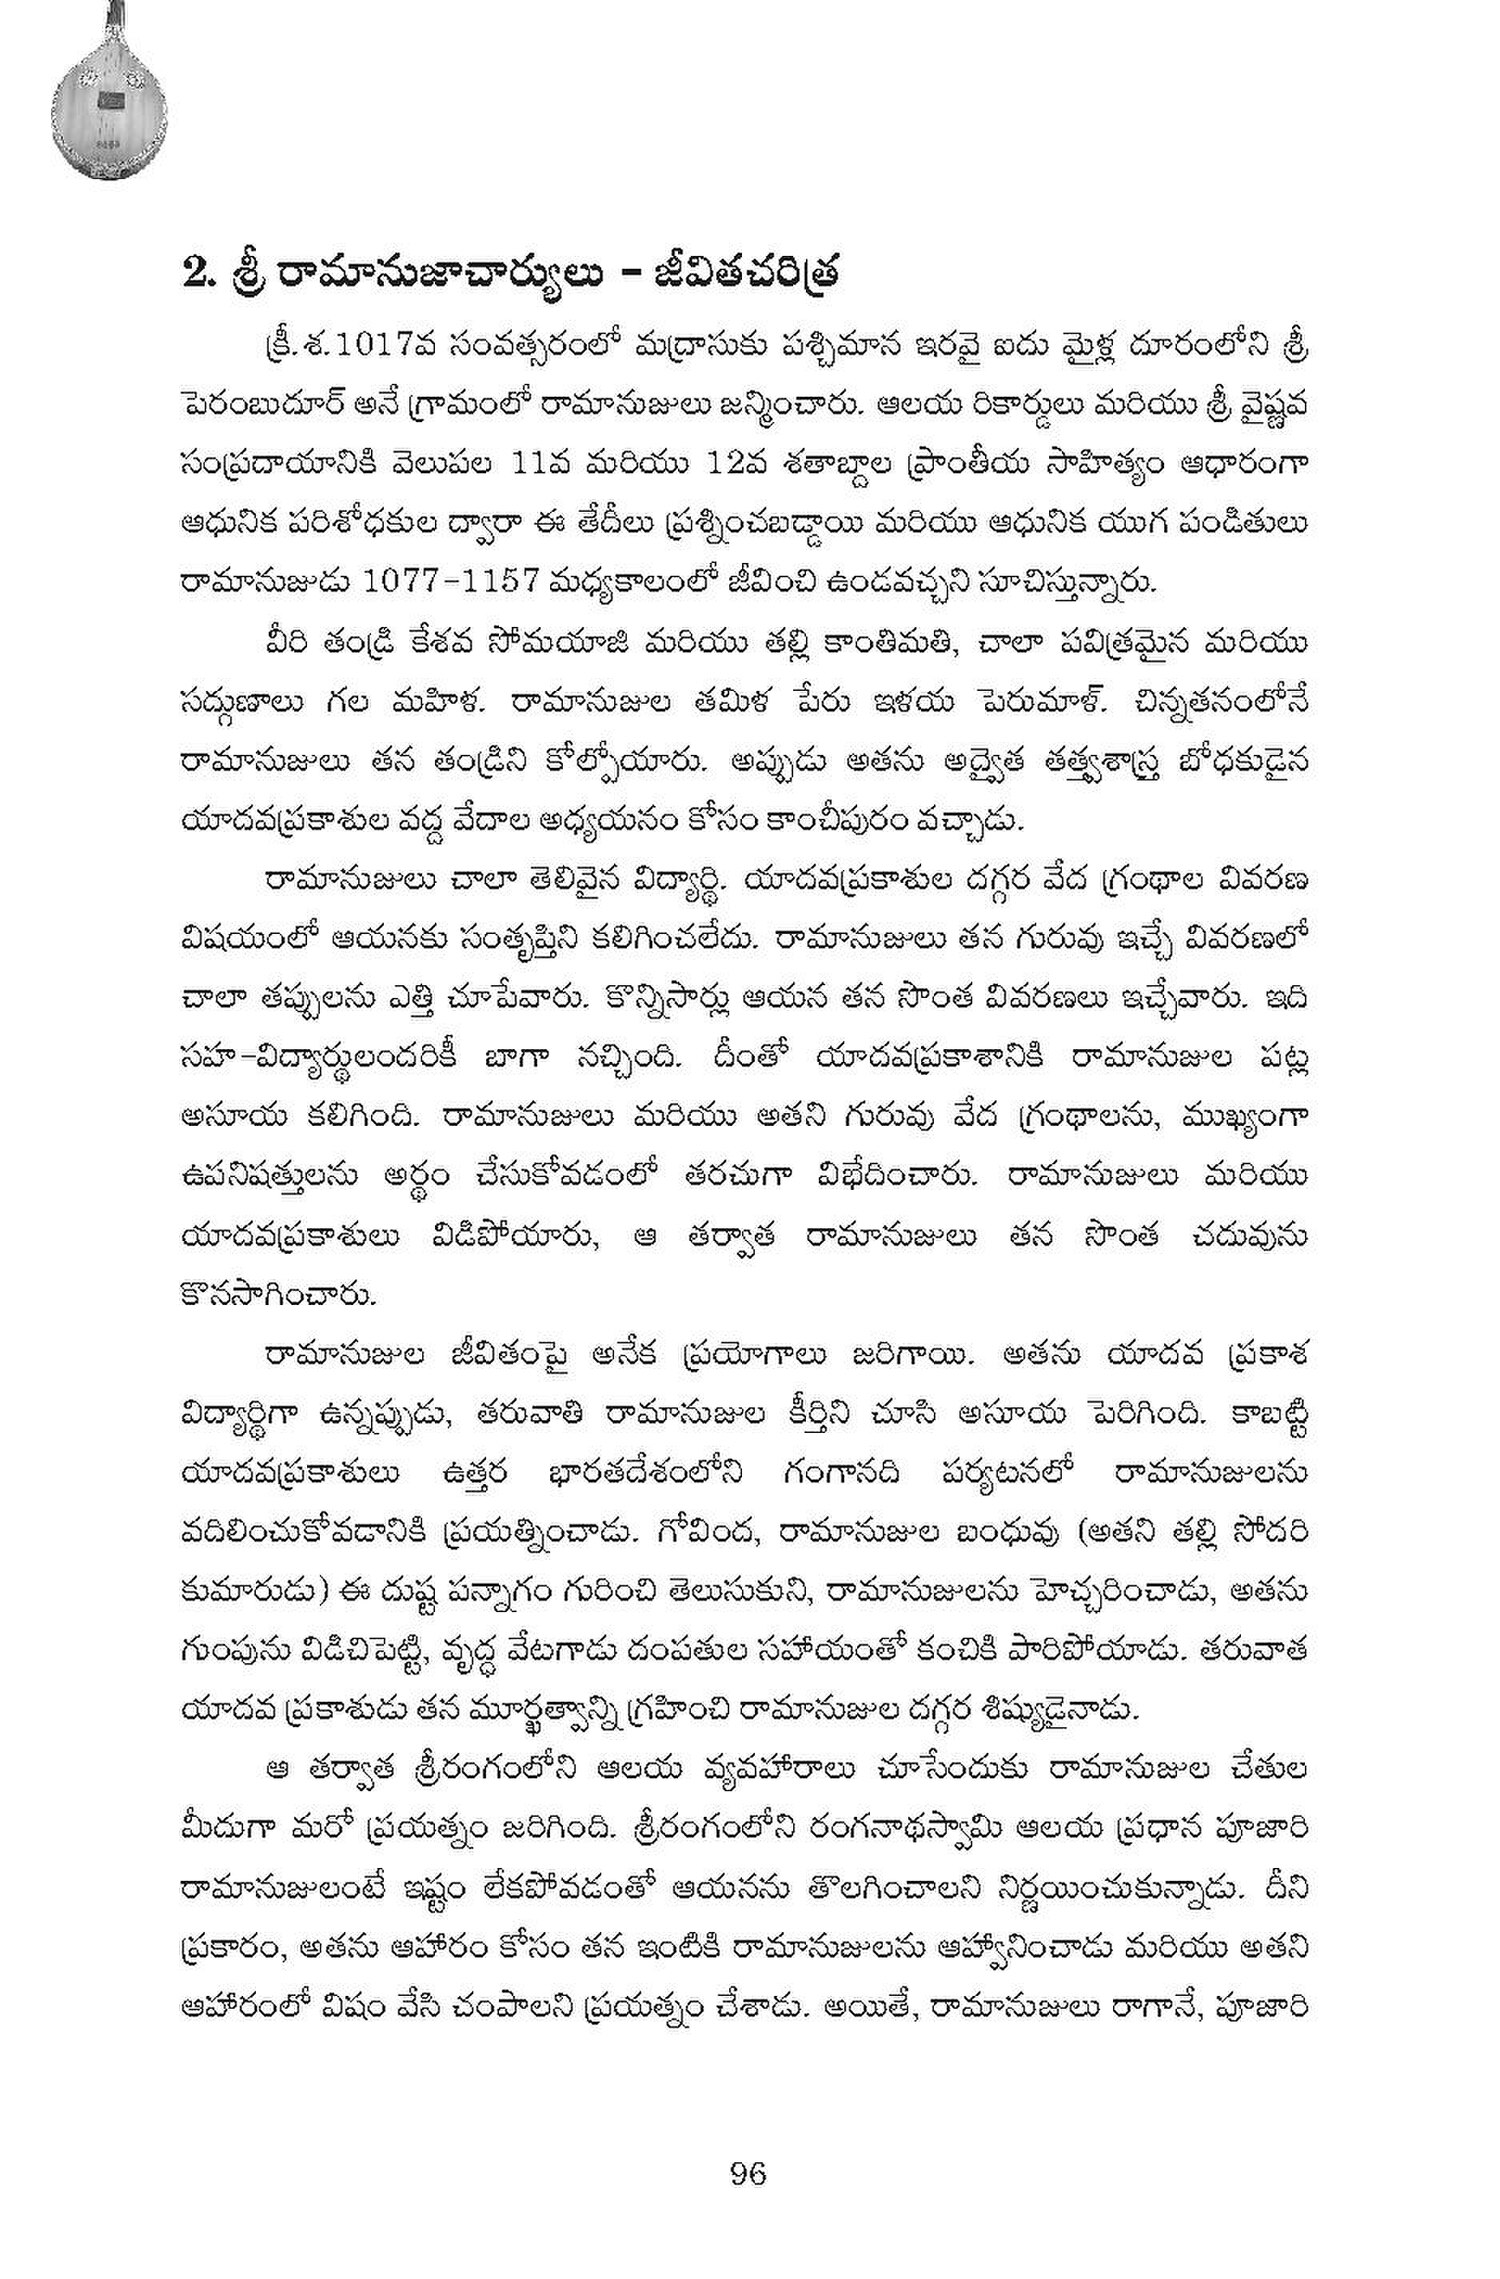2. శ్రీ రామానుజాచార్యులు - జీవితచరిత్ర 

క్రీ.శ.1017వ సంవత్సరంలో మద్రాసుకు పశ్చిమాన ఇరవై ఐదు మైళ్ల దూరంలోని శ్రీ పెరంబుదూర్ అనే గ్రామంలో రామానుజులు జన్మించారు. ఆలయ రికార్డులు మరియు శ్రీ వైష్ణవ సంప్రదాయానికి వెలుపల 11వ మరియు 12వ శతాబ్దాల ప్రాంతీయ సాహిత్యం ఆధారంగా ఆధునిక పరిశోధకుల ద్వారా ఈ తేదీలు ప్రశ్నించబడ్డాయి మరియు ఆధునిక యుగ పండితులు రామానుజుడు 1077-1157 మధ్యకాలంలో జీవించి ఉండవచ్చని సూచిస్తున్నారు.

వీరి తండ్రి కేశవ సోమయాజి మరియు తల్లి కాంతిమతి, చాలా పవిత్రమైన మరియు సద్గుణాలు గల మహిళ. రామానుజుల తమిళ పేరు ఇళయ పెరుమాళ్. చిన్నతనంలోనే రామానుజులు తన తండ్రిని కోల్పోయారు. అప్పుడు అతను అద్వైత తత్త్వశాస్త్ర బోధకుడైన యాదవప్రకాశుల వద్ద వేదాల అధ్యయనం కోసం కాంచీపురం వచ్చాడు.

రామానుజులు చాలా తెలివైన విద్యార్థి. యాదవప్రకాశుల దగ్గర వేద గ్రంథాల వివరణ విషయంలో ఆయనకు సంతృప్తిని కలిగించలేదు. రామానుజులు తన గురువు ఇచ్చే వివరణలో చాలా తప్పులను ఎత్తి చూపేవారు. కొన్నిసార్లు ఆయన తన సొంత వివరణలు ఇచ్చేవారు. ఇది సహ-విద్యార్థులందరికీ బాగా నచ్చింది. దీంతో యాదవప్రకాశానికి రామానుజుల పట్ల
అసూయ కలిగింది. రామానుజులు మరియు అతని గురువు వేద గ్రంథాలను, ముఖ్యంగా ఉపనిషత్తులను అర్థం చేసుకోవడంలో తరచుగా విభేదించారు. రామానుజులు మరియు యాదవప్రకాశులు విడిపోయారు, ఆ తర్వాత రామానుజులు తన సొంత చదువును కొనసాగించారు.

రామానుజుల జీవితంపై అనేక ప్రయోగాలు జరిగాయి. అతను యాదవ ప్రకాశ విద్యార్థిగా ఉన్నప్పుడు, తరువాతి రామానుజుల కీర్తిని చూసి అసూయ పెరిగింది. కాబట్టి యాదవప్రకాశులు ఉత్తర భారతదేశంలోని గంగానది పర్యటనలో రామానుజులను వదిలించుకోవడానికి ప్రయత్నించాడు. గోవింద, రామానుజుల బంధువు (అతని తల్లి సోదరి కుమారుడు) ఈ దుష్ట పన్నాగం గురించి తెలుసుకుని, రామానుజులను హెచ్చరించాడు, అతను గుంపును విడిచిపెట్టి, వృద్ధ వేటగాడు దంపతుల సహాయంతో కంచికి పారిపోయాడు. తరువాత యాదవ ప్రకాశుడు తన మూర్ఖత్వాన్ని గ్రహించి రామానుజుల దగ్గర శిష్యుడైనాడు.

ఆ తర్వాత శ్రీరంగంలోని ఆలయ వ్యవహారాలు చూసేందుకు రామానుజుల చేతుల మీదుగా మరో ప్రయత్నం జరిగింది. శ్రీరంగంలోని రంగనాథస్వామి ఆలయ ప్రధాన పూజారి రామానుజులంటే ఇష్టం లేకపోవడంతో ఆయనను తొలగించాలని నిర్ణయించుకున్నాడు. దీని ప్రకారం, అతను ఆహారం కోసం తన ఇంటికి రామానుజులను ఆహ్వానించాడు మరియు అతని
ఆహారంలో విషం వేసి చంపాలని ప్రయత్నం చేశాడు. అయితే, రామానుజులు రాగానే, పూజారి